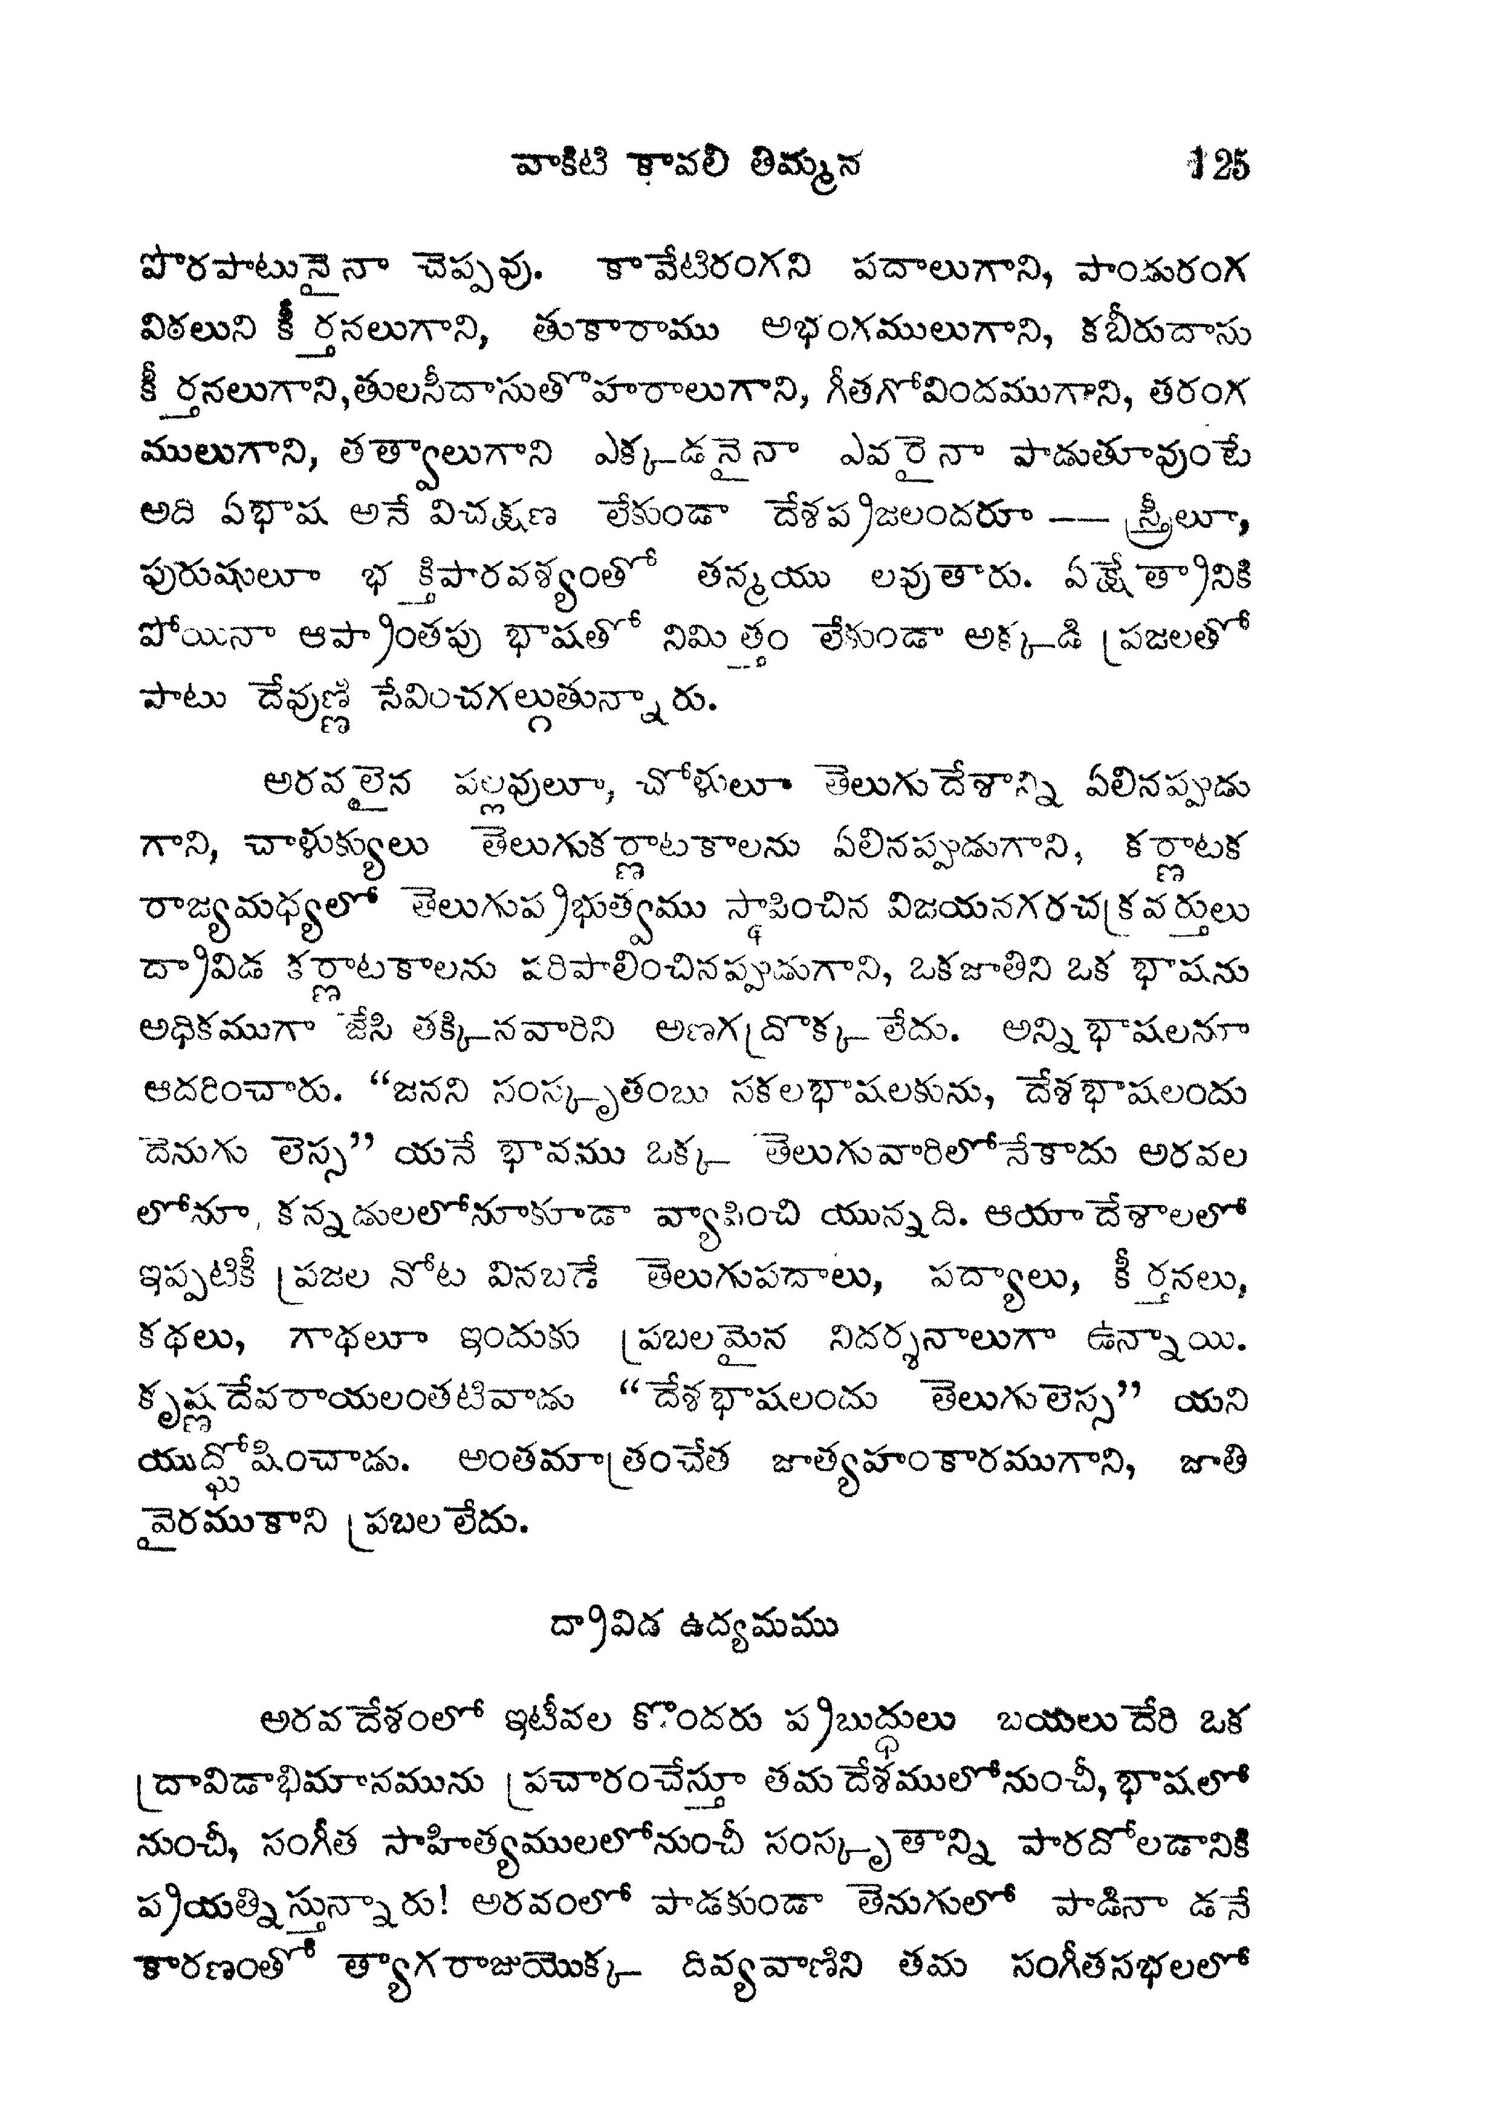పొరపాటునైనా చెప్పవు. కావేటిరంగని పదాలుగాని, పాండురంగవిఠలుని కీర్తనలు గాని, తుకారాము అభంగములుగాని, కబీరుదాసు కీర్తనలుగాని, తులసీదాసు తొహరాలుగాని, గీతగోవిందముగాని, తరంగములుగాని, తత్వాలుగాని ఎక్కడనైనా ఎవరైనా పాడుతూవుంటే అది ఏభాష అనే విచక్షణ లేకుండా దేశప్రజలందరూ-- స్త్రీలూ, పురుషులూ భక్తిపారవశ్యంతో తన్మయు లవుతారు. ఏక్షేత్రానికి పోయినా ఆప్రాంతపు భాషతో నిమిత్తం లేకుండా అక్కడి ప్రజలతో పాటు దేవుణ్ణి సేవించగల్గుతున్నారు.

అరవలైన పల్లవులూ, చోళులూ తెలుగుదేశాన్ని ఏలినప్పుడు గాని, చాళుక్యులు తెలుగుకర్ణాటకాలను ఏలినప్పుడుగాని, కర్ణాటక రాజ్యమధ్యలో తెలుగుప్రభుత్వము స్థాపించిన విజయనగరచక్రవర్తులు ద్రావిడ కర్ణాటకాలను పరిపాలించినప్పుడుగాని, ఒకజాతిని ఒక బాషను అధికముగా జేసి తక్కినవారిని అణగద్రొక్క లేదు. అన్నిభాషలనూ ఆదరించారు. "జనని సంస్కృతంబు సకలభాషలకును, దేశాభాషలందు దెనుగు లెస్స" యనే భావము ఒక్క తెలుగువారిలోనే కాదు అరవల లోనూ కన్నడులలోనూకూడా వ్యాపించి యున్నది. ఆయాదేశాలలో ఇప్పటికీ ప్రజల నోట వినబడే తెలుగుపదాలు, పద్యాలు, కీర్తనలు, కధలు, గాధలూ ఇందుకు ప్రబలమైన నిదర్శనాలుగ ఉన్నాయి. కృష్ణదేవరాయలంతటివాడు "దేశభాషలందు తెలుగు లెస్స"యని యుద్ఘోషించాడు. అంతమాత్రంచేత జాత్యహంకరముగాని, జాతి వైరముకాని ప్రబలలేదు.

అరవదేశంలో ఇటీవల కొందరు ప్రబుద్ధులు బయలుదేరి ఒక ద్రావిడాభిమానమును ప్రచారంచేస్తూ తమదేశములోనుంచీ, భాషలోనుంచీ, సంగీత సాహిత్యములలోనుంచీ సంస్కృతాన్ని పారద్రోలడానికి ప్రయత్నిస్తున్నారు! అరవంలో పాడకుండా తెనుగులో పాడినాడనే కారణంతో త్యాగరాజుయొక్క దివ్యవాణిని తమ సంగీతసభలలో